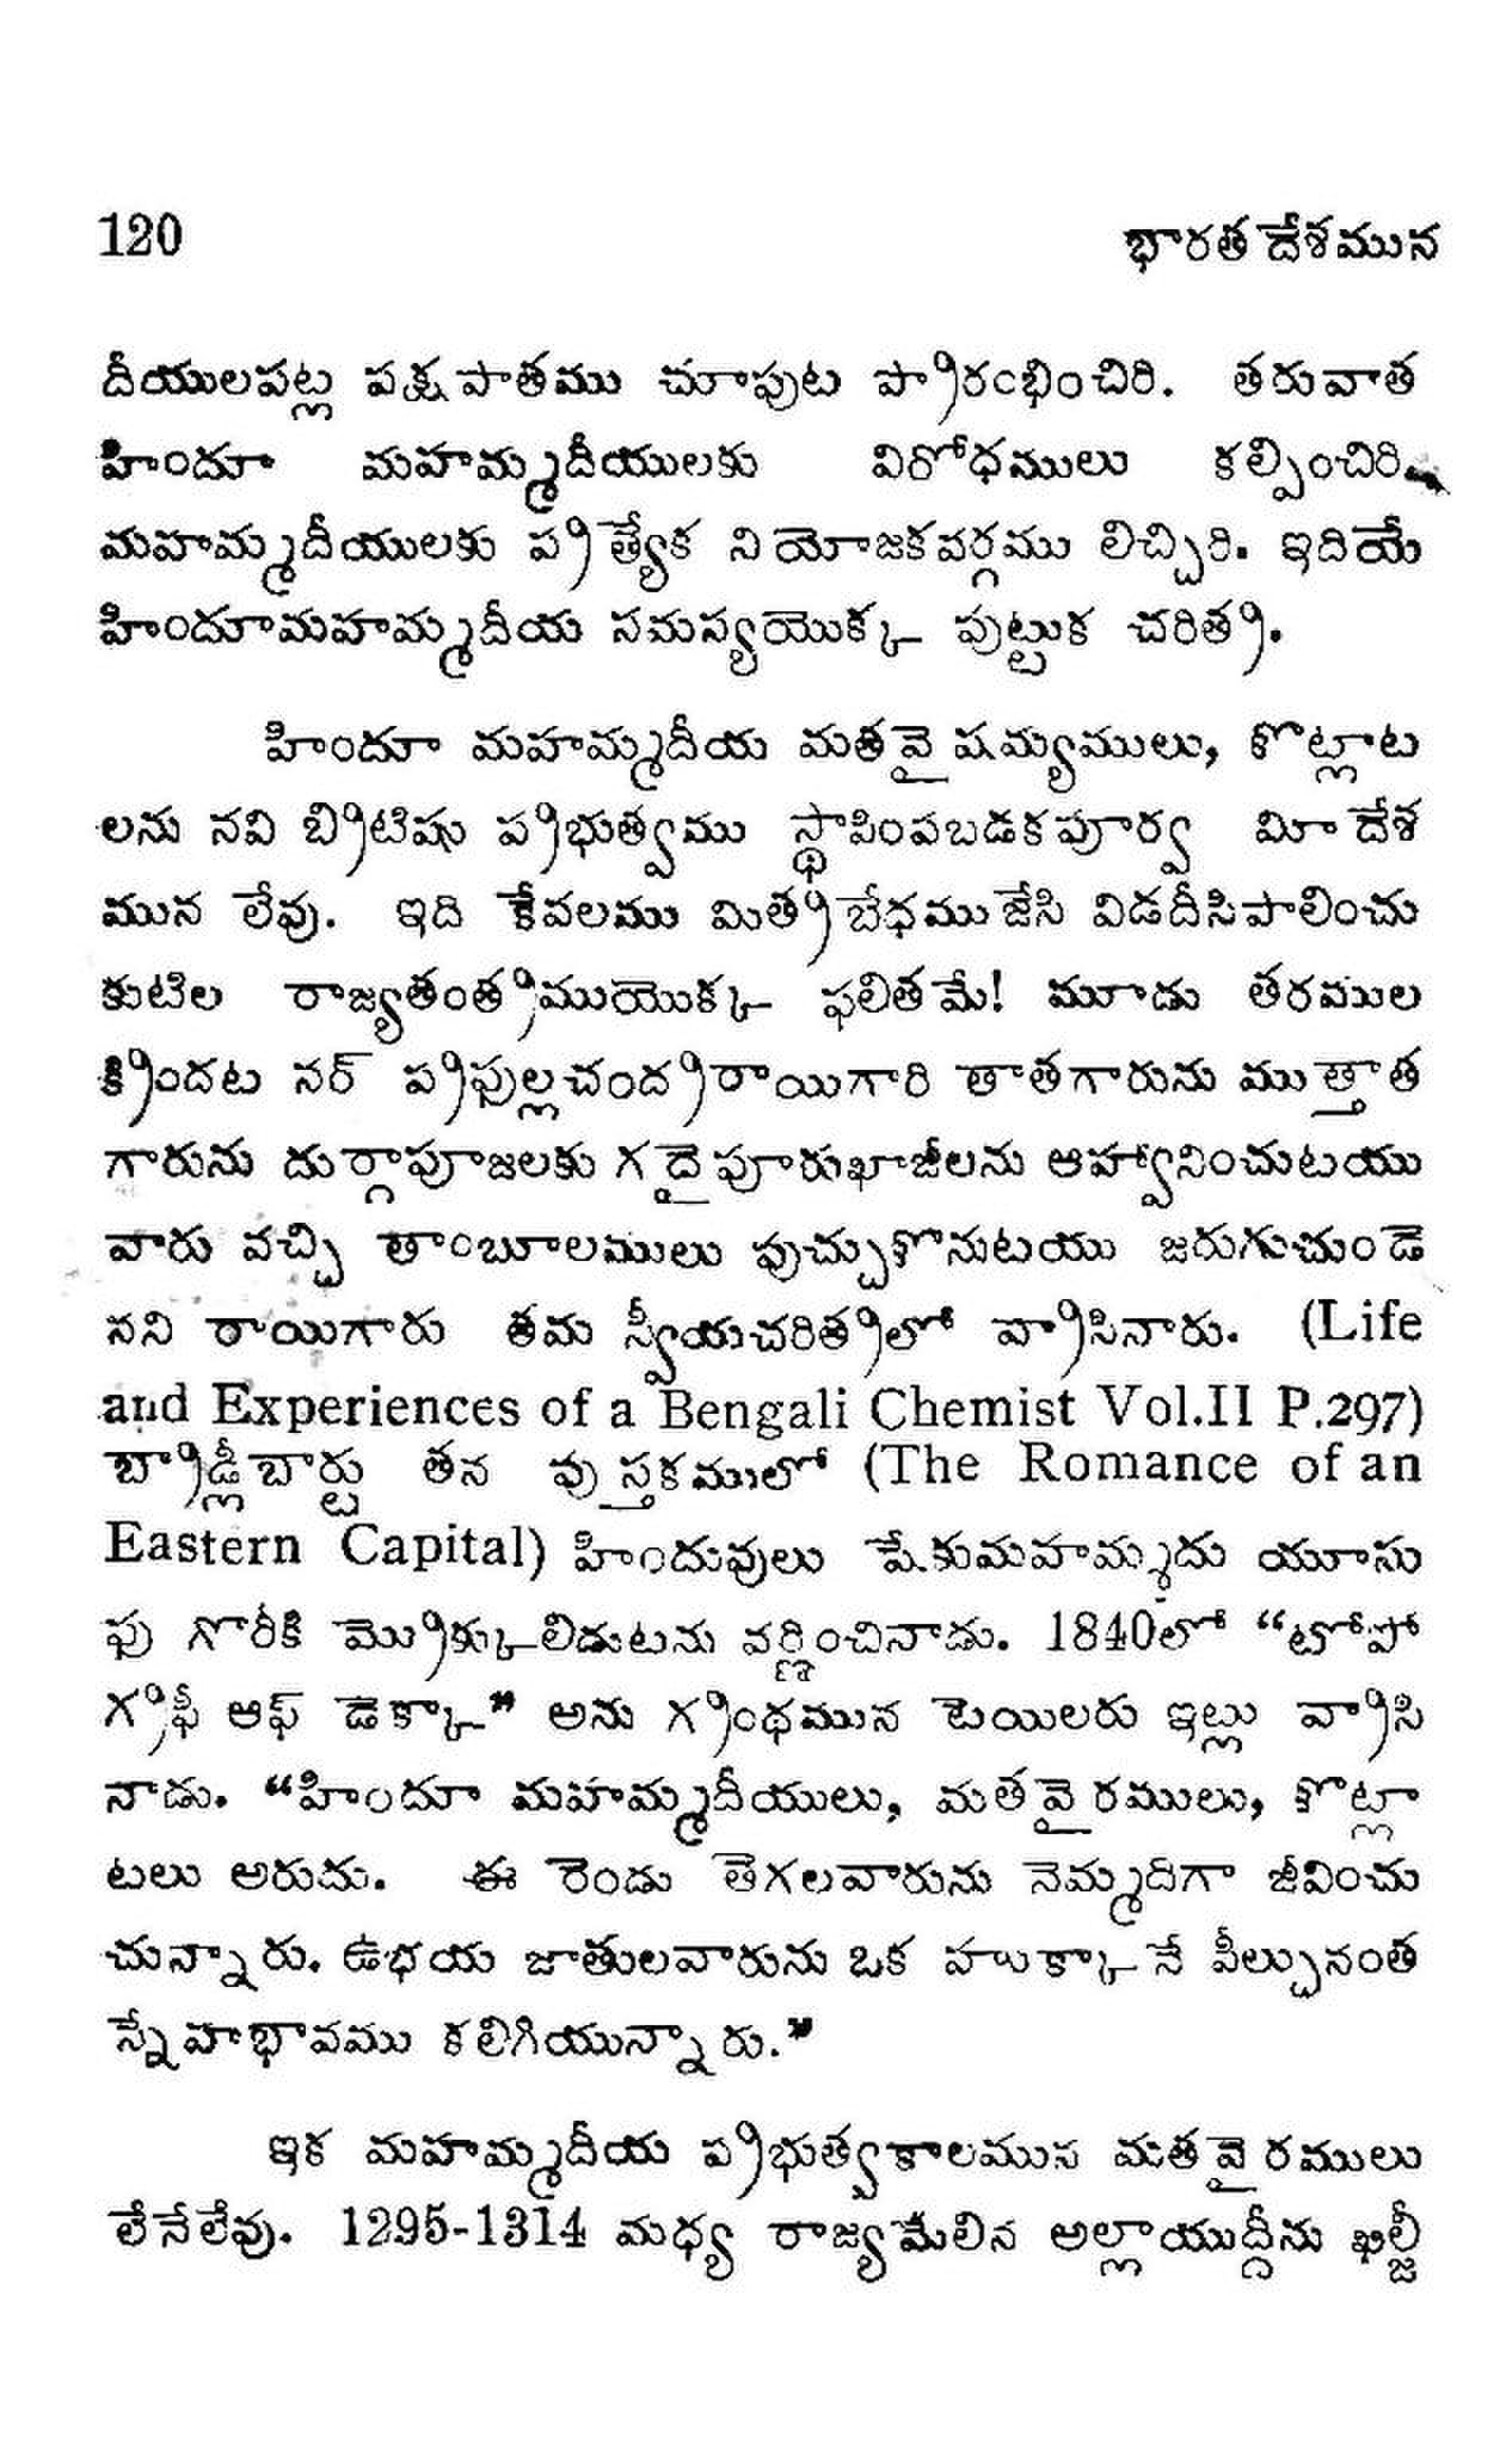దీయులపట్ల పక్షపాతము చూపుట ప్రారంభించిరి. తరువాత హిందూ మహమ్మదీయులకు విరోధములు కల్పించిరి. మహమ్మదీయులకు ప్రత్యేక నియోజకవర్గము లిచ్చిరి. ఇదియే హిందూమహమ్మదీయ సమస్యయొక్క పుట్టుక చరిత్ర.

హిందూ మహమ్మదీయ మతవైషమ్యములు, కొట్లాటలను నవి బ్రిటిషు ప్రభుత్వము స్థాపింపబడకపూర్వ మీదేశమున లేవు. ఇది కేవలము మిత్రబేధముజేసి విడదీసిపాలించు కుటిల రాజ్యతంత్రముయొక్క ఫలితమే! మూడు తరముల క్రిందట సర్ ప్రఫుల్లచంద్రరాయిగారి తాతగారును ముత్తాతగారును దుర్గాపూజలకు గదైపూరుఖాజీలను ఆహ్వానించుటయు వారు వచ్చి తాంబూలములు పుచ్చుకొనుటయు జరుగుచుండెనని రాయిగారు తమ స్వీయచరిత్రలో వ్రాసినారు. (Life and Experiences of a Bengali Chemist Vol.II P.297) బ్రాడ్లీబార్టు తన వుస్తకములో (The Romance of an Eastern Capital) హిందువులు షేకుమహమ్మదు యూసుఫు గొరీకి మ్రొక్కులిడుటను వర్ణించినాడు. 1840లో “టోపోగ్రఫీ ఆఫ్ డెక్కా" అను గ్రంథమున టెయిలరు ఇట్లు వ్రాసినాడు. “హిందూ మహమ్మదీయులు, మతవైరములు, కొట్లాటలు అరుదు. ఈ రెండు తెగలవారును నెమ్మదిగా జీవించుచున్నారు. ఉభయ జాతులవారును ఒక హుక్కానే పీల్చునంత స్నేహభావము కలిగియున్నారు.”

ఇక మహమ్మదీయ ప్రభుత్వకాలమున మతవైరములు లేనేలేవు. 1295-1314 మధ్య రాజ్యమేలిన అల్లాయుద్దీను ఖిల్జీ